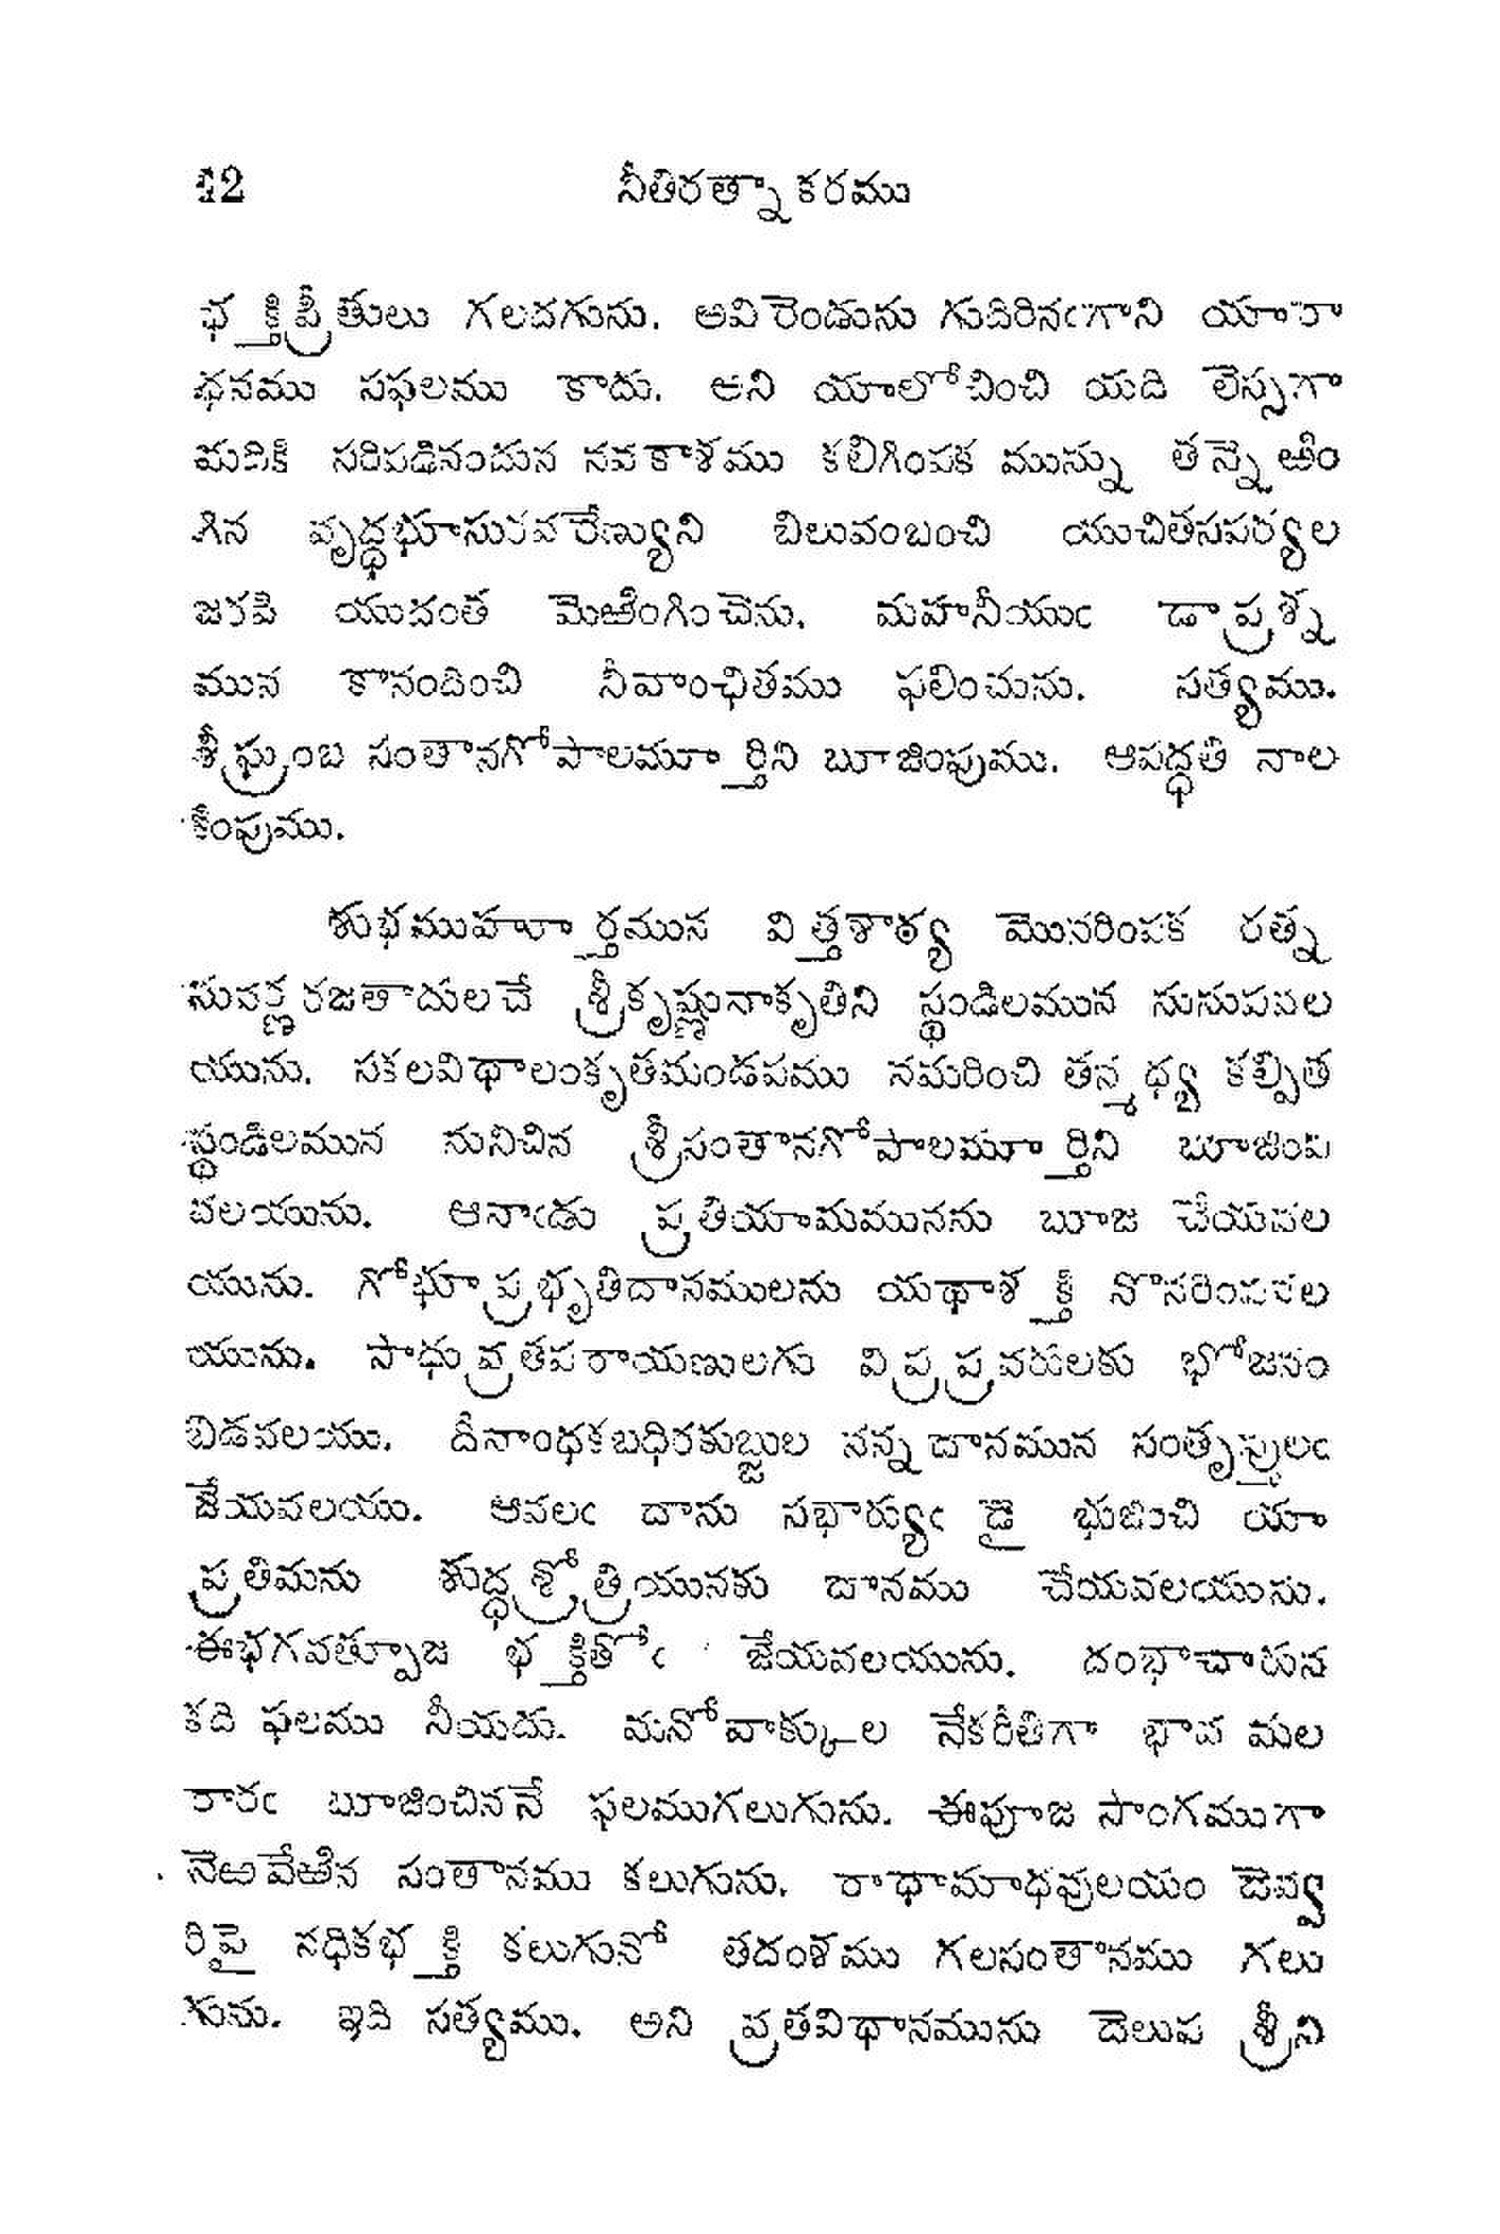భక్తిప్రీతులు గలదగును. అవి రెండును గుదిరినఁ గాని యారాధనము సఫలము కాదు. ఆని యాలోచించి యది లెస్సగా మదికి సరిపడినందున నవకాశము కలిగింపక మున్ను తన్నెఱింగిన వృద్ధభూసురవరేణ్యుని బిలువంబంచి యుచితసపర్యల జరపి యుదంత మెఱింగించెను, మహనీయుఁ డా ప్రశ్నమున కానందించి నీవాంఛితము ఫలించును. సత్యము. శ్రీఘ్రంబ సంతానగోపాలమూర్తిని బూజింపుము. ఆపధ్ధతి నాలకింపుము.

శుభముహూర్తమున విత్తశాఠ్య మొనరింపక రత్న సువర్ణ రజతాదులచే శ్రీకృష్ణు నాకృతిని స్థండిలమున నునుపసలయును. సకలవిధాలంకృతమండపము నమరించి తన్మధ్య కల్పిత స్థండిలమున నునిచిన శ్రీ సంతానగోపాలమూర్తిని బూజింప వలయును. ఆనాఁడు ప్రతియామమునను బూజ చేయవలయును. గోభూ ప్రభృతిదానములను యథాశక్తి నొనరింప వలయును. సాధువ్రతపరాయణులగు విప్ర ప్రవరులకు భోజనం బిడవలయు. దీనాంధక బధిర కుబ్జుల నన్న దానమున సంతృపులం చేయవలయు. ఆవలఁ దాను సభార్యుఁ డై భుజిుచి యా ప్రతిమను శుద్ద శ్రోత్రియునకు దానము చేయవలయును. ఈ భగవత్పూజ భక్తితో జేయవలయును. దంభాచారున కది ఫలము నీయదు. మనోవాక్కుల నేక రీతిగా భావ మల రారఁ బూజించిన నే ఫలము గలుగును. ఈ పూజ సాంగముగా నేఱవేఱిన సంతానము కలుగును. రాధామాధవులయం దెవ్వ రిపై నధికభక్తి, కలుగునో తదంశము గలసంతానము గలుగును. ఇది సత్యము. అని వ్రతవిధానమును దెలుప శ్రీని